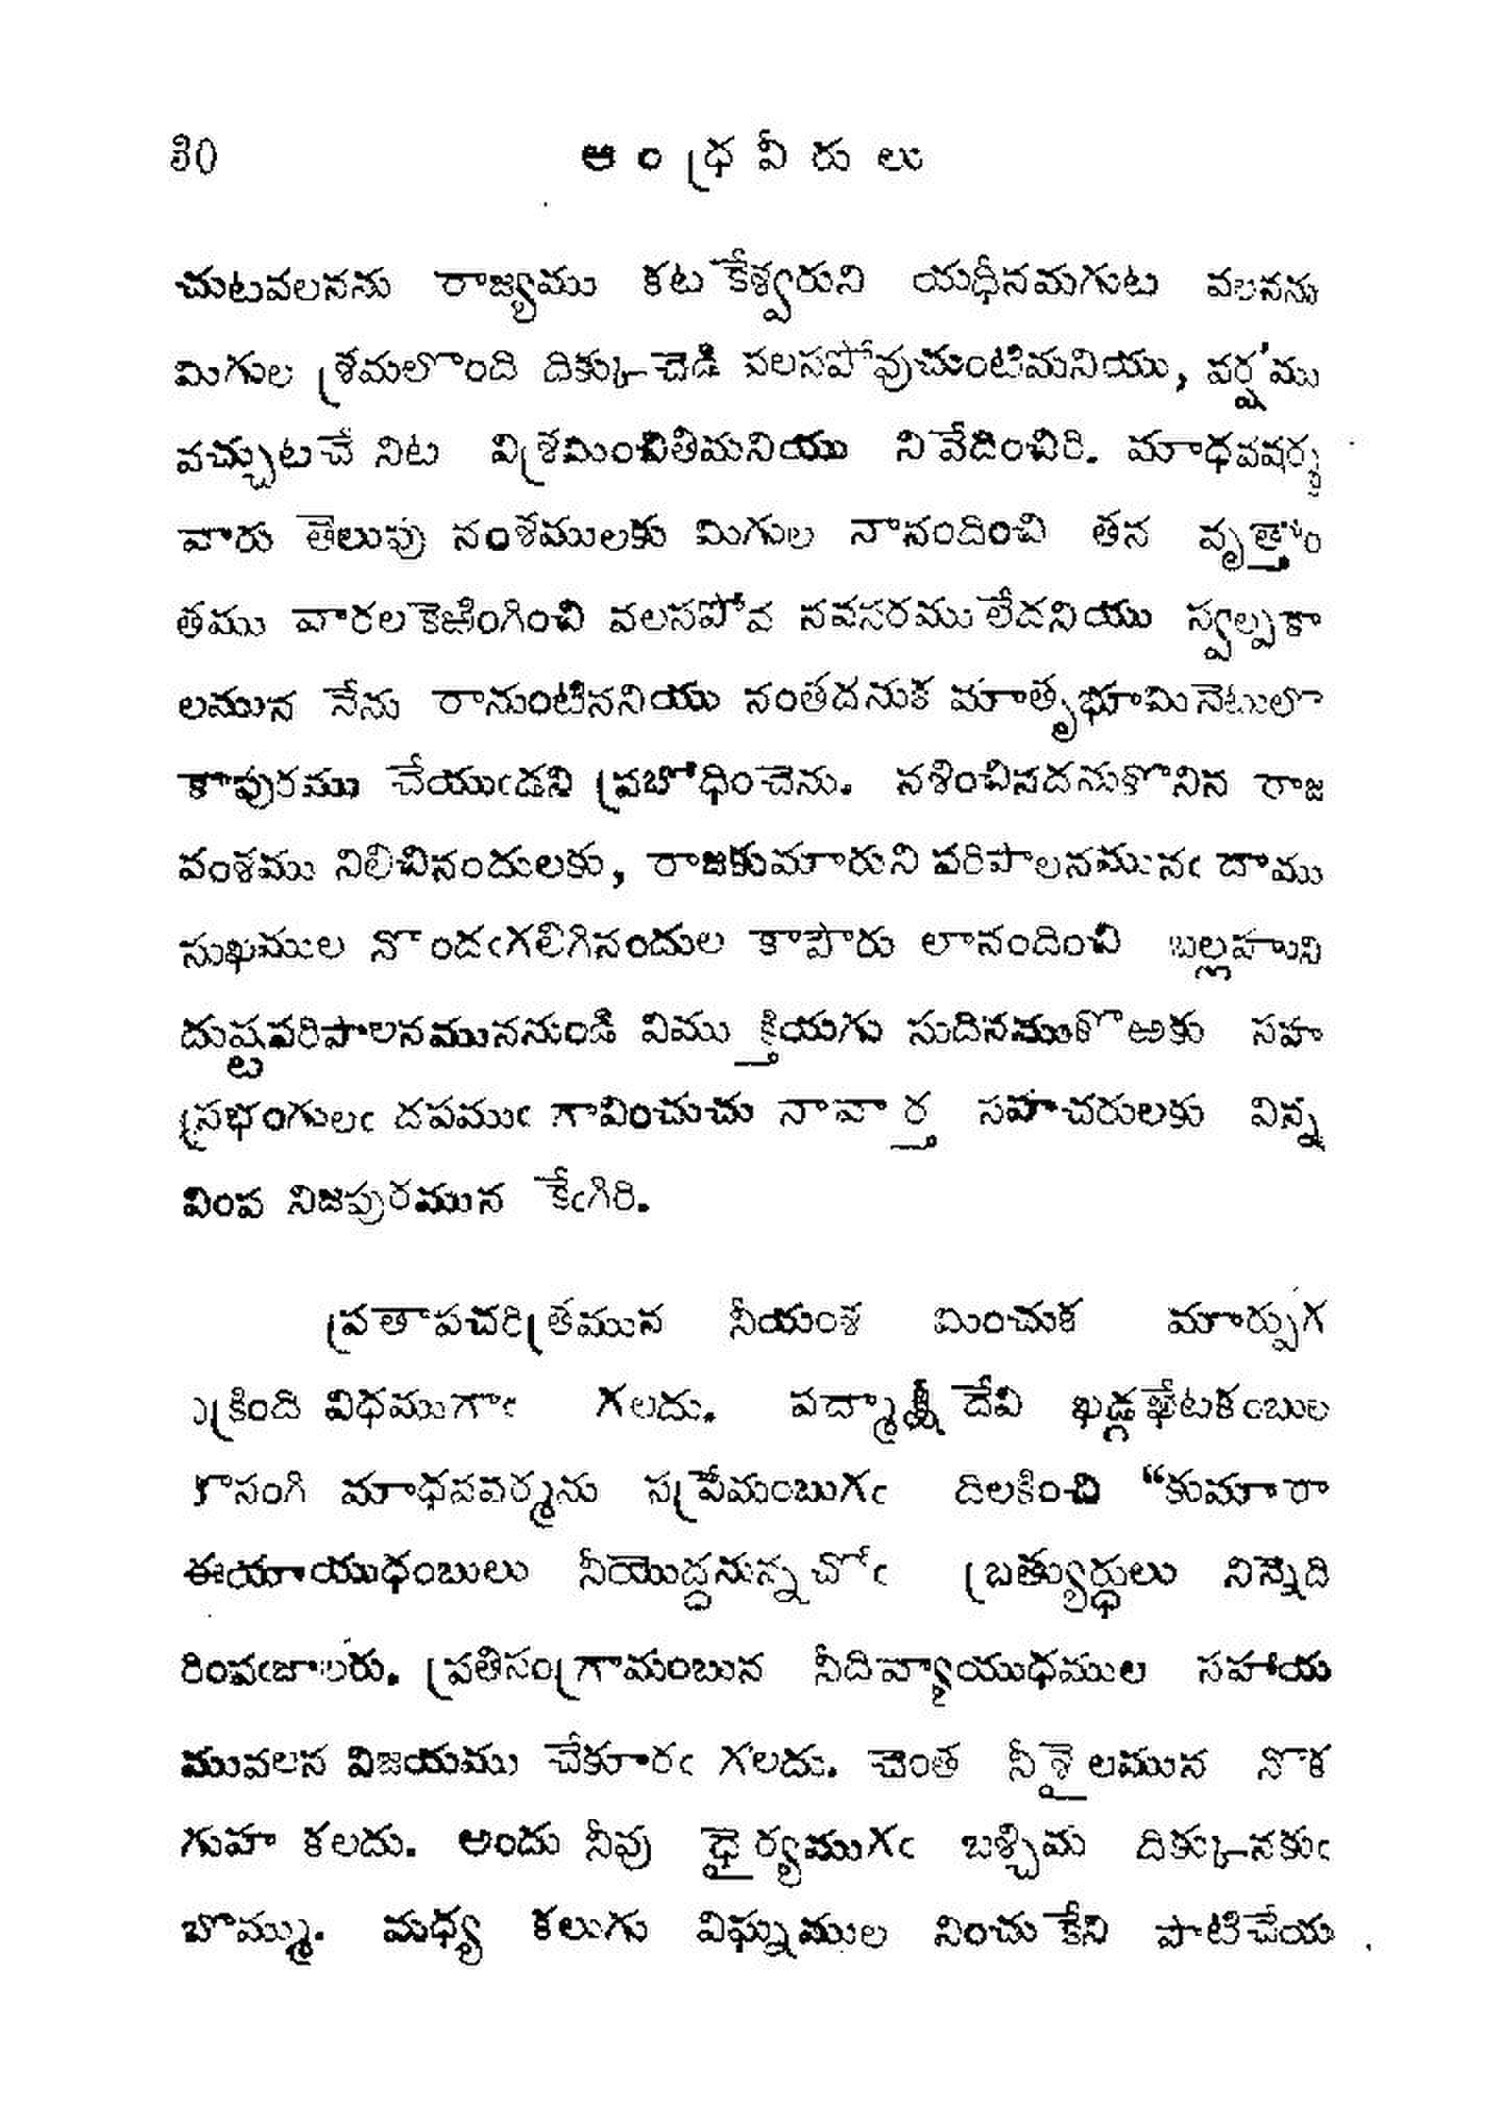చుటవలనను రాజ్యము కటకేశ్వరుని యధీనమగుట వలనను మి గుల శ్రమలొంది దిక్కుచెడి వలసపోవుచుంటిమనియు, వర్షము వచ్చుటచే నిట విశ్రమించితిమనియు నివేదించిరి. మాధవవర్మ వారు తెలుపు నంశములకు మిగుల నానందించి తన వృత్తాంతము వారల కెఱింగించి వలసపోవ నవసరము లేదనియు స్వల్పకాలమున నేను రానుంటిననియు నంతదనుక మాతృభూమినెటులో కాపురము చేయుడని ప్రబోధించెను. నశించినదనుకొనిన రాజవంశము నిలిచినందులకు, రాజకుమారుని పరిపాలనమున దాము సుఖముల నొందగలిగినందుల కాపౌరు లానందించి బల్లహుని ధుష్టపరిపాలనమునుండి విముక్తియగు సుదినముకొఱకు సహస్రభంగుల దపము గావించుచు నావార్త సహచరులకు విన్నవింప నిజపురమున కేగిరి.

ప్రతాపచరిత్రమున నీయంశ మించుక మార్పుగ నీక్రింది విధముగా గలదు. పద్మాక్షీదేవి ఖడ్గఖేటకంబుల నొసంగి మాధవవర్మను సప్రేమంబుగ దిలకించి "కుమారా ఈయాయుధంబులు నీయొద్దనున్నచో బ్రత్యుర్థులు నిన్నెదిరింపజాలరు. ప్రతిసంగ్రామంబున నీదివ్యాయుధముల సహాయమువలన విజయము చేకూర గలదు. చెంత నీశైలమున నొక గుహ కలదు. అందు నీవు ధైర్యముగ బశ్చిమ దిక్కునకు బొమ్ము. మధ్య కలుగు విఘ్నముల నించు కేని పాటిచేయ